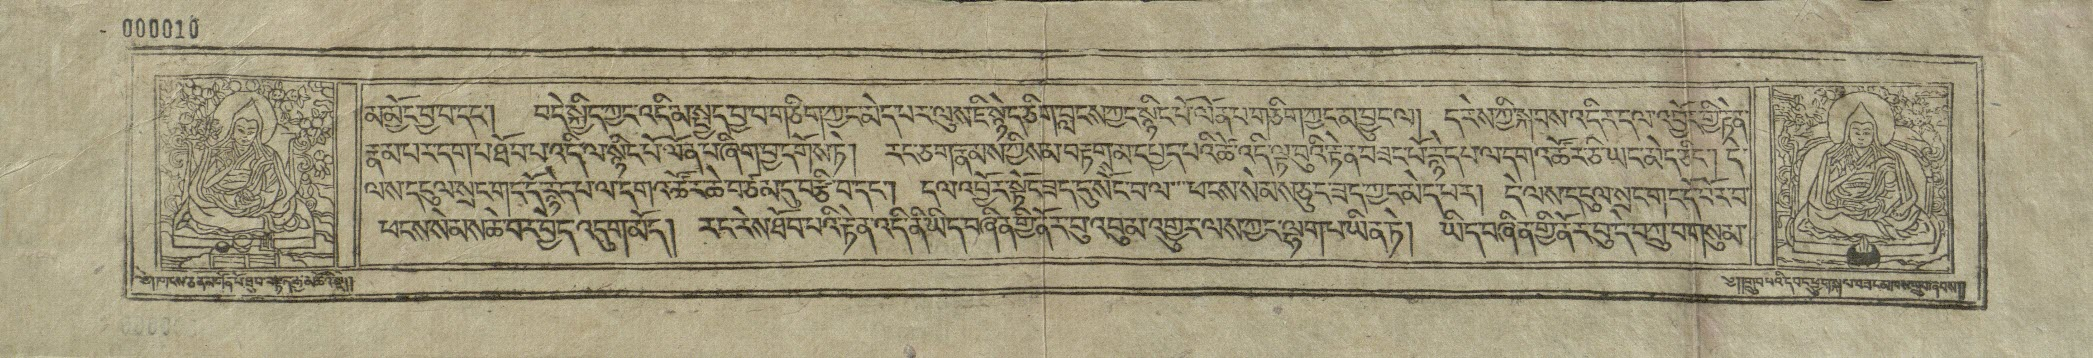་མ་མྱོང་བྱ་བ་དང་། བདེ་སྐྱིད་ཀྱང་འདི་མ་སྤྱད་བྱ་བ་གཅིག་ཀྱང་མེད་པར་ལུས་ཇི་སྙེད་ཅིག་བླངས་ཀྱང་སྙིང་པོ་ལོན་པ་གཅིག་ཀྱང་མ་བྱུང་ལ། ད་རེས་ཀྱི་སྐབས་འདིར་དལ་འབྱོར་གྱི་རྟེན་
རྣམ་པར་དག་པ་ཐོབ་པ་འདི་ལ་སྙིང་པོ་ལོན་པ་ཞིག་བྱ་དགོས་ཏེ། རང་ཅག་རྣམས་ཀྱིས་མ་བརྟགས་མ་དཔྱད་པའི་ཚེ་འདི་ལྟ་བུའི་རྟེན་བཟང་པོ་རྙེད་པ་ལ་དགའ་ཚོར་ཅི་ཡང་མེད་ཅིང་། དེ་
ལས་དངུལ་སྲང་གང་དོ་རྙེད་པ་ལ་དགའ་ཚོར་ཆེ་བ་ཙམ་དུ་བརྩི་བ་དང་། དལ་འབྱོར་སྟོང་ཟད་དུ་སོང་བ་ལ་ཕངས་སེམས་ཅུང་ཟད་ཀྱང་མེད་པར། དེ་ལས་དངུལ་སྲང་གང་དོ་བོར་བ་
ཕངས་སེམས་ཆེ་བར་བྱེད་འདུག་མོད། རང་རེས་ཐོབ་པའི་རྟེན་འདི་ནི་ཡིད་བཞིན་གྱི་ནོར་བུ་འབུམ་འགྱུར་ལས་ཀྱང་ལྷག་པ་ཡིན་ཏེ། ཡིད་བཞིན་གྱི་ནོར་བུ་དེ་བཀྲུ་བ་གསུམ་